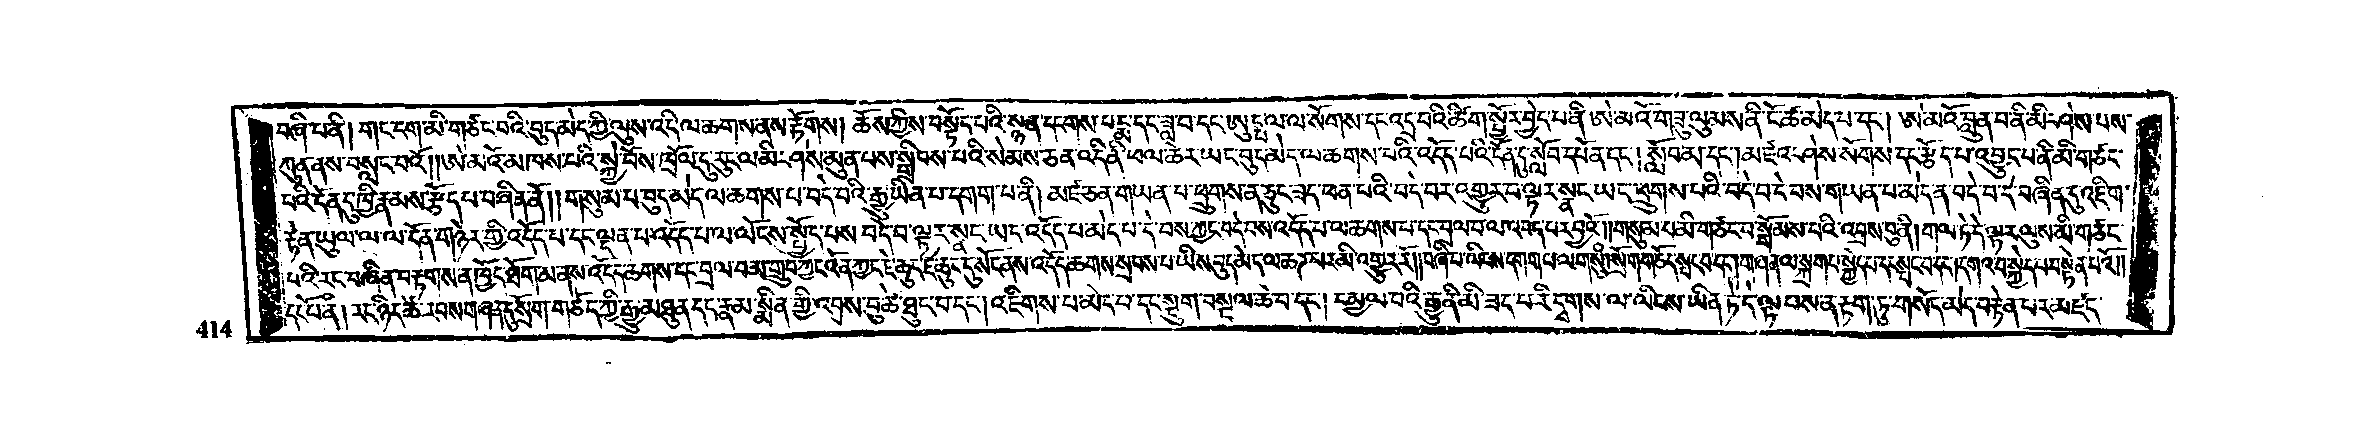བཞི་པ་ནི། གང་ངག་མི་གཙང་བའི་བུད་མེད་ཀྱི་ལུས་འདི་ལ་ཆགས་ནས་རྟོགས། ཆོས་ཀྱིས་བསྟོད་པའི་སྙན་དངགས་པདམ་དང་ཟླ་བ་དང་ཨུདཔལ་ལ་སོགས་དང་འདྲ་བའི་ཚིག་སྦྱོར་བྱེད་པ་ནི་ཨེ་མའོ་གཟུ་ལུམས་ནི་ངོ་ཚ་མེད་པ་དང་། ཨེ་མའོ་བླུན་པ་ནི་མི་ཤེས་པས་
ཀུན་ནས་བསླང་བའོ། །ཨེ་མའོ་མཁས་པའི་སྐྱེ་བོས་ཁྲོལ་དུ་རུང་ལ་མི་ཤེས་མུན་པས་སྒྲིབས་པའི་སེམས་ཅན་འདི་ནི་ཕལ་ཆེར་ཡང་བུད་མེད་ལ་ཆགས་པའི་འདོད་པའི་དོན་དུ་སློབ་དཔོན་དང་། སློབ་མ་དང་། མཛའ་ཤེས་སོགས་དང་རྩོད་པ་འབྱུང་བ་ནི་མི་གཙང་
བའི་དོན་དུ་ཁྱི་རྣམས་རྩོད་པ་བཞིན་ནོ། །གསུམ་པ་བུད་མེད་ལ་ཆགས་པ་བདེ་བའི་རྒྱུ་ཡིན་པ་དགག་པ་ནི། མཛའ?་ཅན་གཡན་པ་ཕྲུགས་ན་ཅུང་ཟད་ཕན་པའི་བདེ་བར་འགྱུར་བ་ལྟར་སྣང་ཡང་ཕྲུགས་པའི་བདེ་བ་དེ་བས་གཡན་པ་མེད་ན་བདེ་བ་དེ་བཞིན་དུ་འཇིག་
རྟེན་ཡུལ་ལ་ལ་དོན་གཉེར་གྱི་འདོད་པ་དང་ལྡན་པ་འདོད་པ་ལ་ལོངས་སྤྱོད་པས་བདེ་བ་ལྟར་སྣང་ཡང་འདོད་པ་མེད་པ་དེ་བས་ཀྱང་བདེ་བས་འདོད་པ་ལ་ཆགས་པ་དང་བྲལ་བ་ལ་འབད་པར་བྱའོ། །གསུམ་པ་མི་གཙང་བ་སྒོམས་པའི་འབྲས་བུ་ནི། གལ་ཏེ་དེ་ལྟར་ལུས་མི་གཙང་
བའི་རང་བཞིན་བརྟགས་ན་ཁྱོད་ཐོག་མ་ནས་འདོད་ཆགས་དང་བྲལ་བ་མ་གྲུབ་ཀྱང་འོན་ཀྱང་ཇེ་ཆུང་ཇེ་ཆུང་དུ་སོང་ནས་འདོད་ཆགས་སྲབས་པ་ཡིས་བུད་མེད་ལ་ཆགས་པར་མི་འགྱུར་རོ། །བཞི་པ་ལིངས་དགག་པ་ལ་གསུམ། སྲོག་གཅོད་སྤང་བ་དང་། གཞན་ལ་སྐྲག་པ་སྐྱེད་པ་དང་སྤང་བ་དང་། དགའ་བ་སྐྱེད་པ་བསྟེན་པའོ། །
དང་པོ་ནི། རང་ཉིད་ཚེ་རབས་གཞན་དུ་སྲོག་གཅོད་ཀྱི་རྒྱུ་མཐུན་དང་རྣམ་སྨིན་གྱི་འབྲས་བུ་ཚེ་ཐུང་བ་དང་། འཇིགས་པ་མེད་པ་དང་སྡུག་བསྔལ་ཆེ་བ་དང་། དམྱལ་བའི་རྒྱུ་ནི་མི་ཟད་པ་རི་དྭགས་ལ་ལིངས་ཡིན་ཏེ་དེ་ལྟ་བས་ན་རྟག་ཏུ་གསོད་མེད་བརྟེན་པར་མཛད་